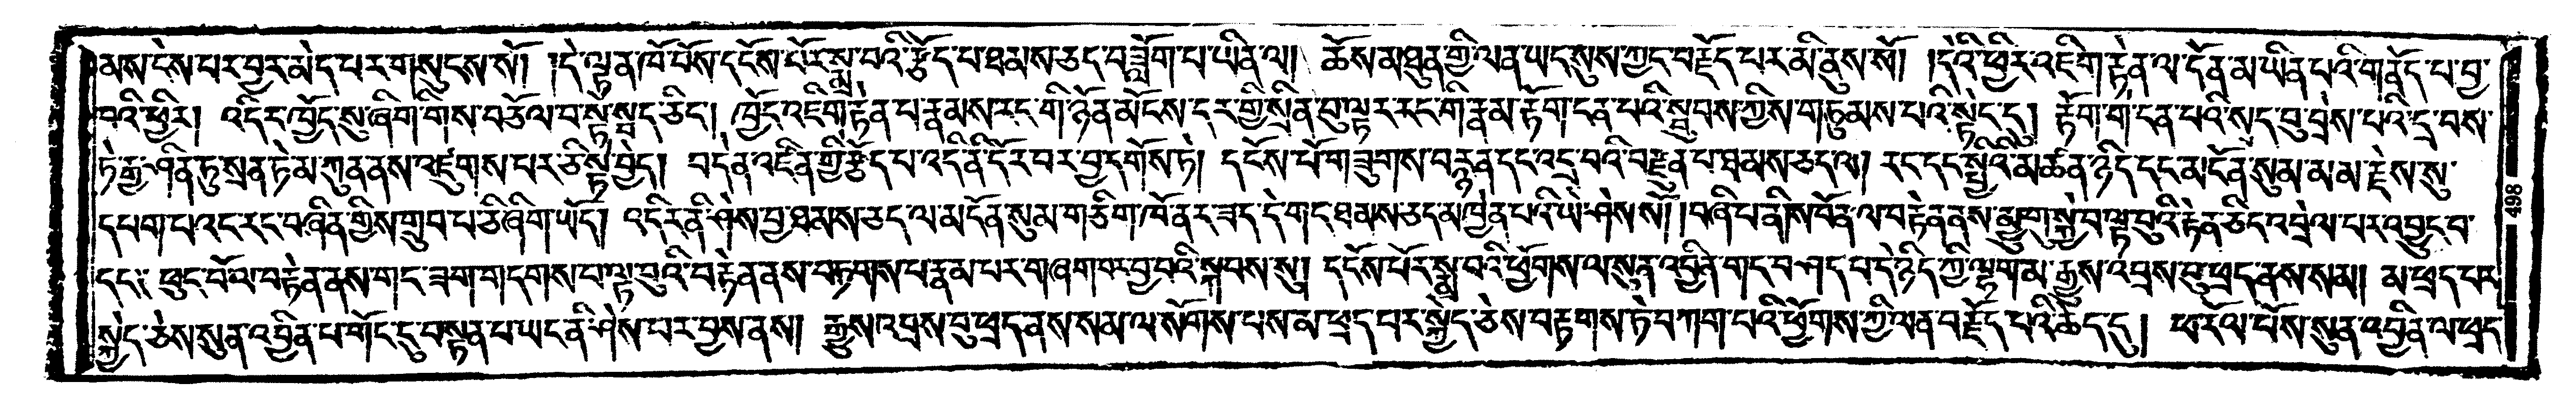མས་ངེས་པར་བྱར་མེད་པར་གསུངས་སོ། །དེ་ལྟ་ན་ཁོ་བོས་དངོས་པོར་སྨྲ་བའི་རྩོད་པ་ཐམས་ཅད་བཟློག་པ་ཡིན་ལ། ཆོས་མཐུན་གྱི་ལན་ཡང་སུས་ཀྱང་བརྗོད་པར་མི་ནུས་སོ། །དེའི་ཕྱིར་འཇིག་རྟེན་ལ་དོན་མ་ཡིན་པའི་གནོད་པ་བྱ་
བའི་ཕྱིར། འདིར་ཁྱོད་སུ་ཞིག་གིས་བཅོལ་བ་སྟེ་སྦད་ཅིང་། ཁྱོད་འཇིག་རྟེན་པ་རྣམས་རང་གི་ཉོན་མོངས་དར་གྱི་སྲིན་བུ་ལྟར་རང་གི་རྣམ་རྟོག་ངན་པའི་སྦུབས་ཀྱིས་གཏུམས་པའི་སྟེང་དུ། རྟོག་གེ་ངན་པའི་སྲད་བུ་བྲེས་པའི་དྲ་བས་
ཏེ་རྒྱ་ཤིན་ཏུ་སྲན་ཏེ་མ་ཀུན་ནས་འཛུགས་པར་ཅི་སྟེ་བྱེད། བདེན་འཛིན་གྱི་རྩོད་པ་འདི་ནི་དོར་བར་བྱ་དགོས་ཏེ། དངོས་པོ་གཟུགས་བརྙན་དང་འདྲ་བའི་བརྫུན་པ་ཐམས་ཅད་ལ། རང་དང་སྤྱིའི་མཚན་ཉིད་དང་མངོན་སུམ་མམ་རྗེས་སུ་
དཔག་པའམ་རང་བཞིན་གྱིས་གྲུབ་པ་ཅི་ཞིག་ཡོད། །འདིར་ནི་ཤེས་བྱ་ཐམས་ཅད་ལ་མངོན་སུམ་གཅིག་ཁོ་ནར་ཟད་དེ་གང་ཐམས་ཅད་མཁྱེན་པའི་ཡེ་ཤེས་སོ། །བཞི་པ་ནི། ས་བོན་ལ་བརྟེན་ནས་མྱུ་གུ་སྐྱེ་བ་ལྟ་བུའི་རྟེན་ཅིང་འབྲེལ་པར་འབྱུང་བ་
དང༑ ཕུང་པོ་ལ་བརྟེན་ནས་གང་ཟག་གདགས་པ་ལྟ་བུའི་བརྟེན་ནས་བཏགས་པ་རྣམ་པར་གཞག་པར་བྱ་བའི་སྐབས་སུ། དངོས་པོར་སྨྲ་བའི་ཕྱོགས་ལ་སུན་འབྱིན་གང་བཤད་པ་དེ་ཉིད་ཀྱི་ལྷག་མ་རྒྱུས་འབྲས་བུ་ཕྲད་ནས་སམ། མ་ཕྲད་པར་
སྐྱེད་ཅེས་སུན་འབྱིན་པ་གོང་དུ་བསྟན་པ་ཡང་ནི་ཤེས་པར་བྱས་ནས། རྒྱུས་འབྲས་བུ་ཕྲད་ནས་སམ་ལ་སོགས་པས་མ་ཕྲད་པར་སྐྱེད་ཅེས་བརྟགས་ཏེ་བཀག་པའི་ཕྱོགས་ཀྱི་ལན་བརྗོད་པའི་ཆེད་དུ། ཕ་རོལ་པོས་སུན་འབྱིན་ལ་ཕྲད་